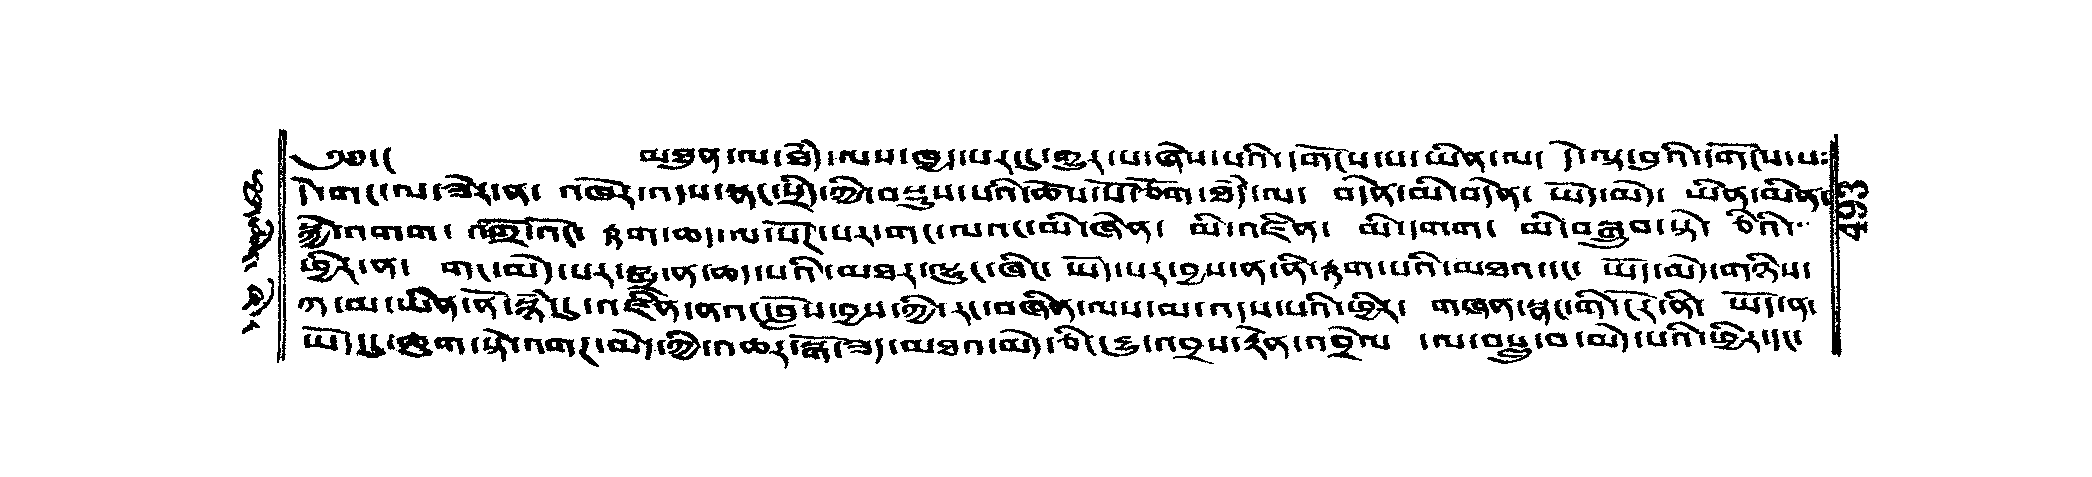མཐུན་ལ་ཐམས་ཅད་ལས་ཁྱད་པར་དུ་གྱུར་པ་ཞེས་པའི་དགོངས་པ་ཡིན་ལ། དེ་ལྟ་བུའི་དགོངས་པ་
དེ་གང་ལ་ཟེར་ན། འཁོར་འདས་སྣང་སྲིད་ཀྱི་བསྡུས་པའི་ཆོས་སོ་ཅོག་ཐམས་ཅད་ལ།བདེན་མི་བདེན། ཡོད་མེད། ཡིན་མིན། 
སྐྱེ་འགག འགྲོ་འོང་། རྟག་ཆད་ལ་སོགས་པར་གང་ལའང་མི་ཞེན། མི་འཛིན། མི་དགག མི་བསྒྲུབ་སྟེ། ཅིའི་
ཕྱིར་ན། གང་མེད་པར་སྨྲས་ན་ཆད་པའི་མཐར་ལྷུང་ཞིང་། ཡོད་པར་བྱས་ན་ནི་རྟག་པའི་མཐའ་དང་། ཡོད་མེད་གཉིས་
ཀ་མ་ཡིན་ནོ་སྙམ་དུ་འཛིན་ནའང་བློས་བྱས་ཀྱི་རང་བཞིན་ལས་མ་འདས་པའི་ཕྱིར། གཞན་སྣང་གི་ངོར་ནི། ཡོད་ན་
ཡོད་དུ་ཆུག་སྟེ་འགགས་མེད་ཀྱི་འཆར་སྒོ་ཟད་མཐའ་མེད་ཅིང་རྒྱུ་འབྲས་རྟེན་འབྲེལ་ལ་བསླུ་བ་མེད་པའི་ཕྱིར་དང་།